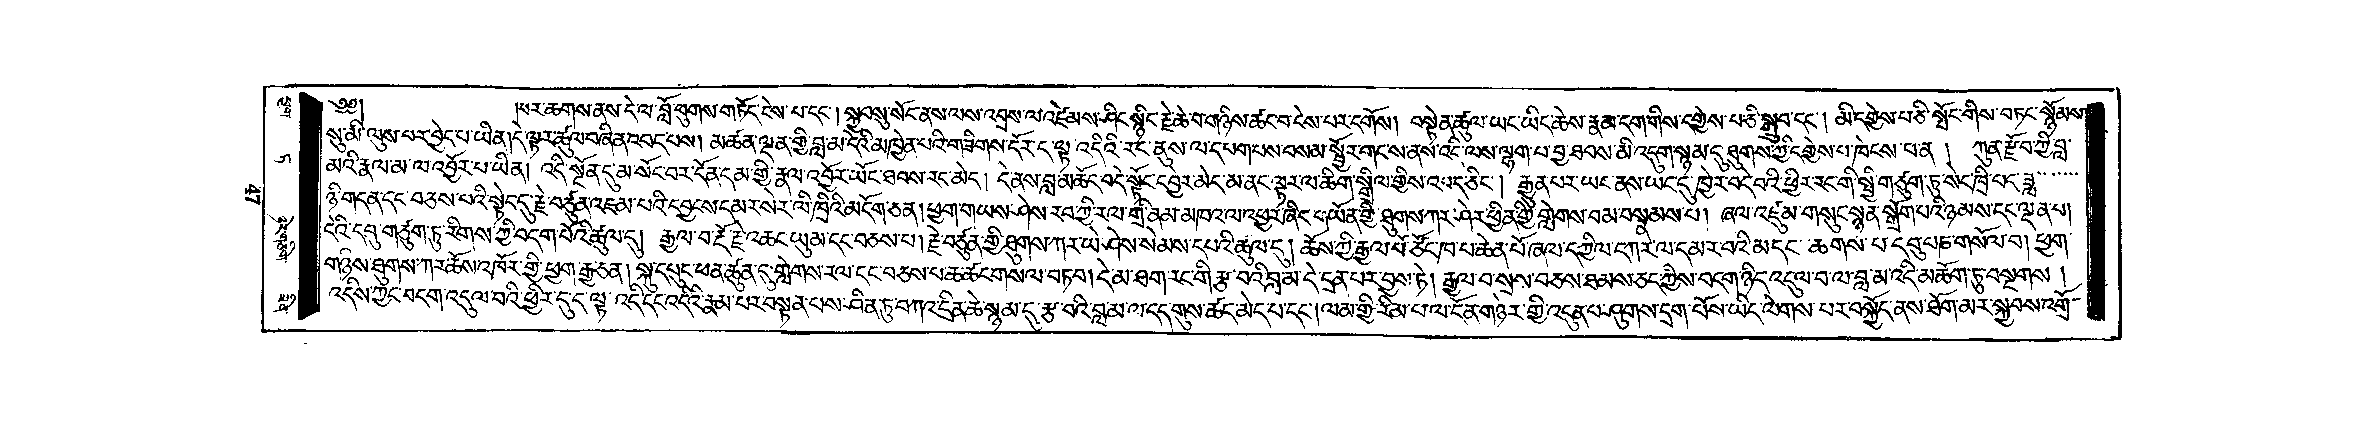༄༅། །པར་ཆགས་ནས་དེ་ལ་བློ་ཕུགས་གཏོད་ངེས་པ་དང་། སྐྱབས་སུ་སོང་ནས་ལས་འབྲས་ལ་འཛེམས་ཤིང་སྙིང་རྗེ་ཆེ་བ་གཉིས་ཚང་བ་ངེས་པར་དགོས། བསྟེན་ཚུལ་ཡང་ཡིད་ཆེས་རྣམ་དག་གིས་དགྱེས་པ་ཅི་སྒྲུབ་དང་། མི་དགྱེས་པ་ཅི་སྤོང་གིས་བཏང་སྙོམས་
སུ་མི་ལུས་པར་བྱེད་པ་ཡིན། དེ་ལྟར་ཚུལ་བཞིན་འབད་པས། མཚན་ལྡན་གྱི་བླ་མ་དེའི་མཁྱེན་པའི་གཟིགས་དོར་ད་ལྟ་འདིའི་རང་ནུས་ལ་དཔག་པས་བསམ་སྦྱོར་གང་ས་ནས་འདི་ལས་ལྷག་པ་བྱ་ཐབས་མི་འདུག་སྙམ་དུ་ཐུགས་ཀྱི་དགྱེས་པ་ཁེངས་པ་ན། ཀུན་རྫོབ་ཀྱི་བླ་
མའི་རྣལ་མ་ལ་འབྱོར་པ་ཡིན། འདི་སྔོན་དུ་མ་སོང་བར་དོན་དམ་གྱི་རྣལ་འབྱོར་ཡོང་ཐབས་རང་མེད། དེ་ནས་བླ་མཆོད་བདེ་སྟོང་དབྱེར་མེད་མ་ནང་ལྟར་ལ་ཆིག་སྒྲིལ་གྱིས་འབད་ཅིང་། རྒྱུན་པར་ཡང་ནས་ཡང་དུ་ཁྱེར་བདེ་བའི་ཕྱིར་རང་གི་སྤྱི་གཙུག་ཏུ་སེང་ཁྲི་པད་ཟླ་
ཉི་གདན་དང་བཅས་པའི་སྟེང་དུ་རྗེ་བཙུན་འཇམ་པའི་དབྱངས་དམར་སེར་ལི་ཁྲིའི་མདོག་ཅན། ཕྱག་གཡས་ཤེས་རབ་ཀྱི་རལ་གྲི་ནམ་མཁའ་ལ་འཕྱར་ཞིང་གཡོན་གྱི་ཐུགས་ཀར་ཤེར་ཕྱིན་གྱི་གླེགས་བམ་བསྣམས་པ། ཞལ་འཛུམ་གསུང་སྙན་སྒྲོག་པའི་ཉམས་དང་ལྡན་པ།
དེའི་དབུ་གཙུག་ཏུ་རིགས་ཀྱི་བདག་པོའི་ཚུལ་དུ། རྒྱལ་བ་རྡོ་རྗེ་འཆང་ཡུམ་དང་བཅས་པ། རྗེ་བཙུན་གྱི་ཐུགས་ཀར་ཡེ་ཤེས་སེམས་དཔའི་ཚུལ་དུ། ཆོས་ཀྱི་རྒྱལ་པོ་ཙོང་ཁ་པ་ཆེན་པོ་ཞལ་དཀྱིལ་དཀར་ལ་དམར་བའི་མདང་ཆགས་པ་དབུ་པཎ་གསོལ་བ། ཕྱག་
གཉིས་ཐུགས་ཀར་ཆོས་འཁོར་གྱི་ཕྱག་རྒྱ་ཅན། སྐུ་དཔུང་ཕན་ཚུན་དུ་གླེགས་རལ་དང་བཅས་པ་ཆ་ཚང་གསལ་བཏབ། དེ་མ་ཐག་རང་གི་རྩ་བའི་བླ་མ་དེ་དྲན་པར་བྱས་ཏེ། རྒྱལ་བ་སྲས་བཅས་ཐམས་ཅད་ཀྱིས་བདག་ཉིད་འདུལ་བ་ལ་བླ་མ་འདི་མཆོག་ཏུ་བསྔགས།
འདིས་ཀྱང་བདག་འདུལ་བའི་ཕྱིར་དུ་ད་ལྟ་འདི་དང་འདིའི་རྣམ་པར་བསྟན་པས་ཤིན་ཏུ་བཀའ་དྲིན་ཆེ་སྙམ་དུ་རྩ་བའི་བླ་མ་ལ་དད་གུས་ཚད་མེད་པ་དང་། ལམ་གྱི་རིམ་པ་ལ་དོན་གཉེར་གྱི་འདུན་པ་ཤུགས་དྲག་པོས་ཡིད་ལེགས་པར་བསྐྱོད་ནས་ཐོག་མར་སྐྱབས་འགྲོ་